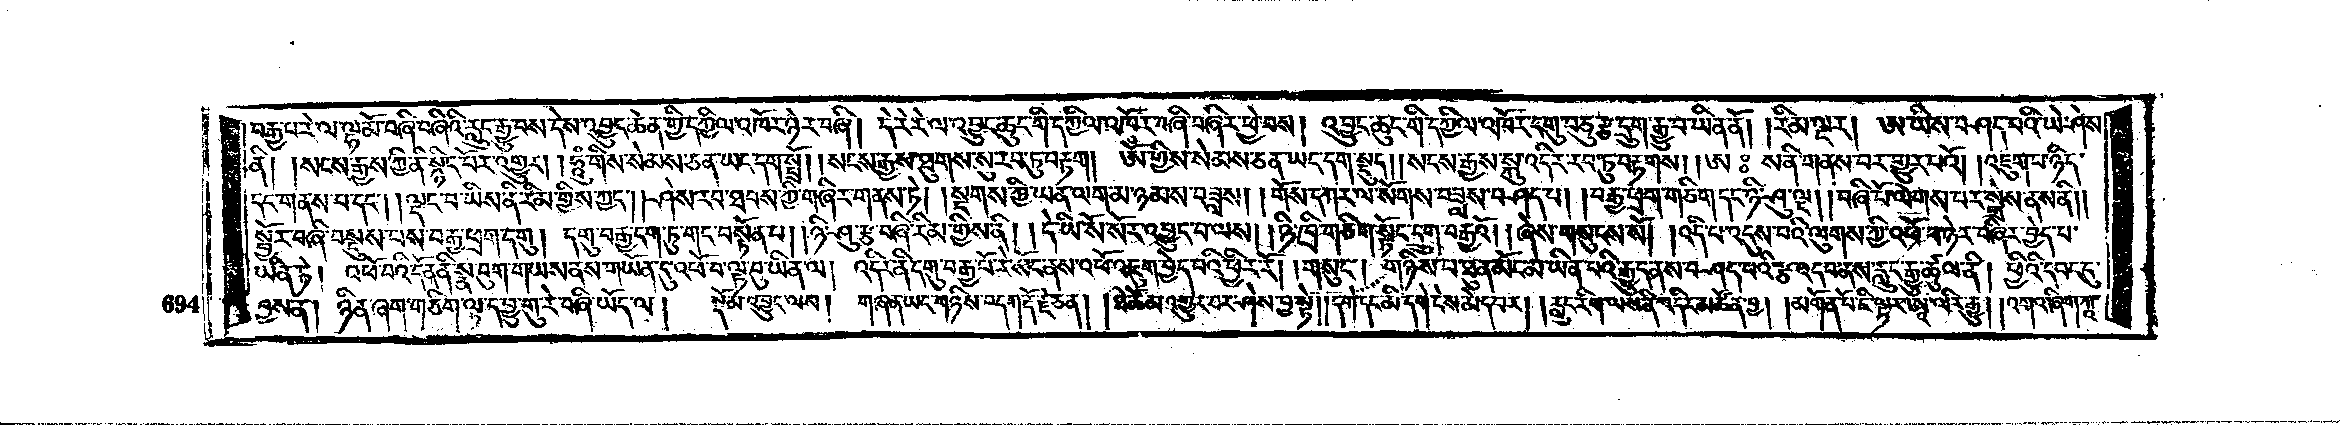བརྒྱ་པ་རེ་ལ་ལྷ་མོ་བཞི་བཞིའི་རླུང་རྒྱུ་བས་དེས་འབྱུང་ཆེན་གྱི་དཀྱིལ་འཁོར་ཉེར་བཞི། དེ་རེ་རེ་ལ་འབྱུང་ཆུང་གི་དཀྱིལ་འཁོར་བཞི་བཞིར་ཕྱེ་བས། འབྱུང་ཆུང་གི་དཀྱིལ་འཁོར་དགུ་བཅུ་རྩ་དྲུག་རྒྱུ་བ་ཡིན་ནོ། །རིམ་ལྔར། ཨ་ཡིས་བཤད་པའི་ཡེ་ཤེས་
ནི། །སངས་རྒྱས་ཀྱི་ནི་སྙིང་པོར་འགྱུར། །ཧཱུཾ་གིས་སེམས་ཅན་ཡང་དག་སྤྲོ། །སངས་རྒྱས་ཐུགས་སུ་རབ་ཏུ་བརྟག། ཨོཾ་གྱིས་སེམས་ཅན་ཡང་དག་སྡུད། །སངས་རྒྱས་སྐུ་འདིར་རབ་ཏུ་བརྟགས། །ཨཿ ས་ནི་གནས་བར་གྱུར་པའོ། །འཇུག་པ་ཉིད་
དང་གནས་པ་དང་། །ལྡང་བ་ཡིས་ནི་རིམ་གྱིས་ཀྱང་། །ཤེས་རབ་ཐབས་ཀྱི་གཞིར་གནས་ཏེ། །སྔགས་ཀྱི་ཡན་ལག་མ་ཉམས་བཟླས། །གོས་དཀར་ལ་སོགས་བཟླས་བཤད་པ། །བརྒྱ་ཕྲག་གཅིག་དང་ཉི་ཤུ་ལྔ། །བཞི་པོ་ལེགས་པར་སྒྲེས་ནས་ནི། །
སྦྱོར་བཞི་བསྡུས་པས་བརྒྱ་ཕྲག་དགུ། དགུ་བརྒྱ་དག་ཏུ་གང་བསྟེན་པ། །ཉི་ཤུ་རྩ་བཞི་རིམ་གྱིས་ནི། །དེ་ཡི་སེ་སོར་འབྱུང་བ་ལས། །ཉི་ཁྲི་གཅིག་སྟོང་དྲུག་བརྒྱའོ། །ཞེས་གསུངས་སོ། །འདི་པ་འདུས་པའི་ལུགས་ཀྱི་འཕོ་བ་ཉེར་བཞིར་བྱེད་པ་
ཡིན་ཏེ། འཕོ་བའི་དོན་ནི་སྣ་བུག་གཡས་ནས་གཡོན་དུ་འཕོ་བ་ལྟ་བུ་ཡིན་ལ། འདིར་ནི་དགུ་བརྒྱ་པོ་རེ་སོང་ནས་འཕོ་འཇུག་བྱེད་པའི་ཕྱིར་རོ། །གསུང་། གཉིས་པ་ཐུན་མོང་མ་ཡིན་པའི་རྒྱུད་ནས་བཤད་པའི་རྩ་འདབ་ནས་རླུང་རྒྱུ་ཚུལ་ནི། ཕྱིའི་དབང་དུ་
བྱས་ན། ཉིན་ཞག་གཅིག་ལ་ད་བྱུ་གུ་རེ་བཞི་ཡོད་ལ། སྡོམ་འབྱུང་ལས། གཞན་ཡང་གཉིས་བདག་རྡོ་རྗེ་ཅན། །ཐེ་ཚོམ་འགྱུར་བར་ཤེས་བྱ་སྟེ། །དགེ་དང་མི་དགེ་ངེས་མེད་པར། །རླུང་རིག་ལས་ནི་འདིར་མཚོན་བྱ། །མགོན་པོ་ཇི་ལྟར་ཨཱ་ལིར་རྒྱུ། །འགའ་ཞིག་ཀཱ་